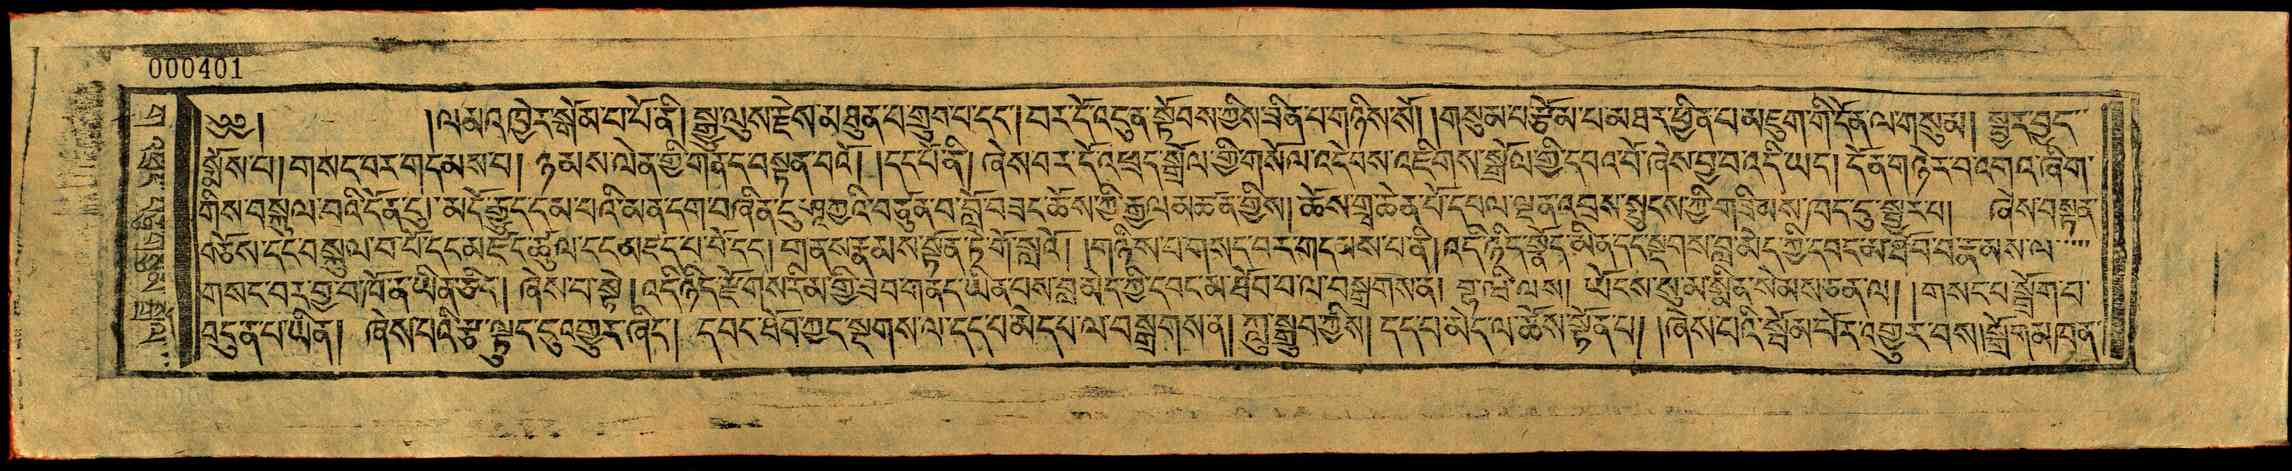༄༅། །ལམ་འཁྱེར་སྒེམ་པ་པོ་ནི། སྒྱུ་ལུས་རྗེས་མཐུན་པ་གྲུབ་པ་དང་། བར་དོ་འདུན་སྟོབས་ཀྱིས་ཟིན་པ་གཉིས་སོ། །གསུམ་པ་རྩོམ་པ་མཐར་ཕྱིན་པ་མཇུག་གི་དོན་ལ་གསུམ། སྦྱར་བྱང་
སྨོས་པ། གསང་བར་གདམས་པ། ཉམས་ལེན་གྱི་གནད་བསྟན་པའོ། །དང་པོ་ནི། ཞེས་བར་དོ་འཕྲང་སྒྲོལ་གྱི་གསོལ་འདེབས་འཇིགས་སྒྲོལ་གྱི་དཔའ་བོ་ཞེས་བྱ་བ་འདི་ཡང་། དོན་གཉེར་བ་འགའ་ཞིག་
གིས་བསྐུལ་བའི་དོན་དུ། མདོ་རྒྱུད་དམ་པའི་མན་ངག་བཞིན་དུ་ཤཱཀྱའི་བཙུན་པ་བློ་བཟང་ཆོས་ཀྱི་རྒྱལ་མཚན་གྱིས། ཆོས་གྲྭ་ཆེན་པོ་དཔལ་ལྡན་འབྲས་སྤུངས་ཀྱི་གཟིམས་ཁང་དུ་སྦྱར་བ། ཞེས་བསྟན་
བཅོས་དང་བསྐུལ་བ་པོ་དང་མཛད་ཚུལ་དང་མཛད་པ་པོ་དང་། གནས་རྣམས་སྟོན་ཏེ་གོ་སླའོ། །གཉིས་པ་གསང་བར་གདམས་པ་ནི། འདི་ཉིད་སྣོད་མིན་དང་སྔགས་བླ་མེད་ཀྱི་དབང་མ་ཐོབ་པ་རྣམས་ལ་
གསང་བར་བྱ་བ་ཁོ་ན་ཡིན་ཅིང་། ཞེས་པ་སྟེ། འདི་ཉིད་རྫོགས་རིམ་གྱི་ཟབ་གནད་ཡིན་པས་བླ་མེད་ཀྱི་དབང་མ་ཐོབ་པ་ལ་བསྒྲགས་ན། བྷ་ཝཾ་ལས། ཡོངས་སུ་མ་སྨིན་སེམས་ཅན་ལ། །གསང་བ་སྒྲོག་པ་
བདུན་པ་ཡིན། ཞེས་པའི་རྩ་ལྟུང་དུ་འགྱུར་ཞིང་། དབང་ཐོབ་ཀྱང་སྔགས་ལ་དད་པ་མེད་པ་ལ་བསྒྲགས་ན། ཀླུ་སྒྲུབ་ཀྱིས། དད་པ་མེད་ལ་ཆོས་སྟོན་པ། །ཞེས་པའི་སྦོམ་པོར་འགྱུར་བས། སྒྲོག་མཁན་